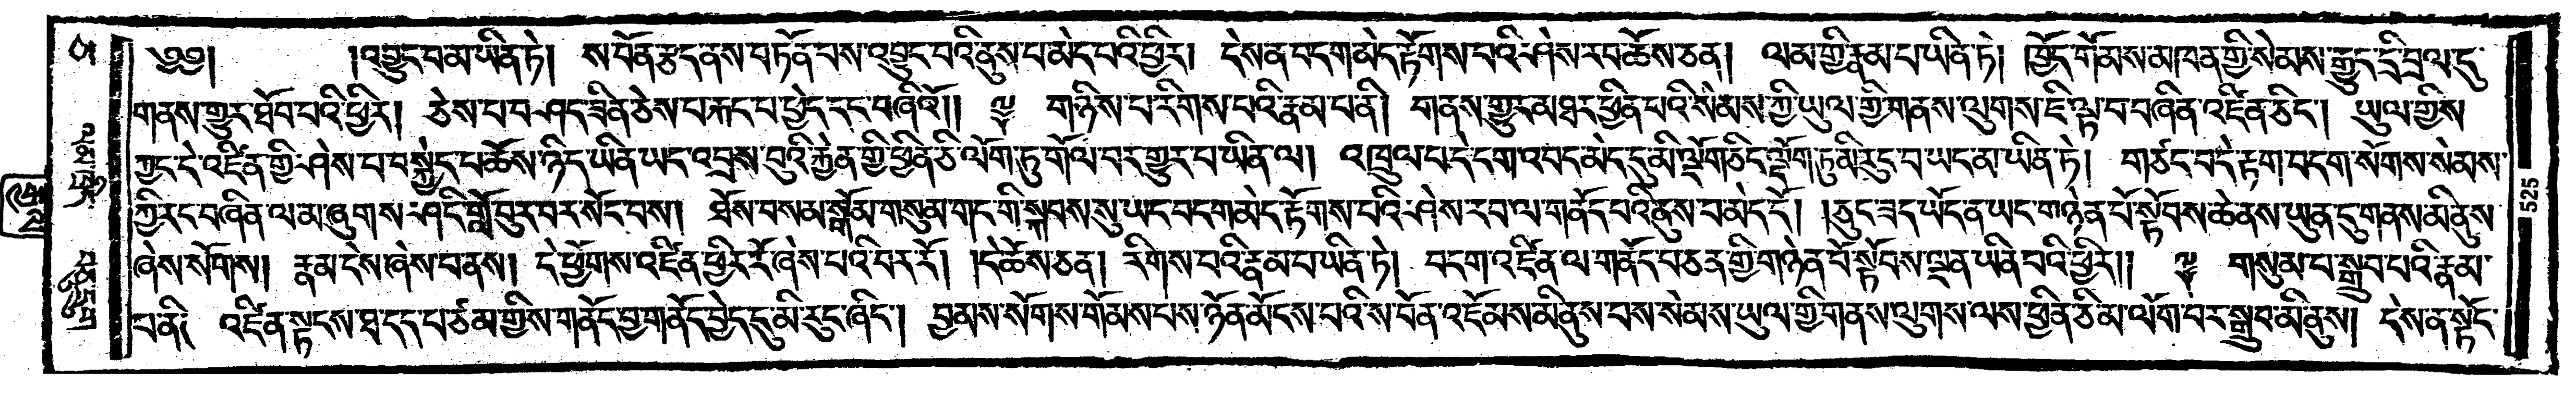༄༅། །འབྱུང་བ་མ་ཡིན་ཏེ། ས་བོན་རྩད་ནས་བཏོན་པས་འབྱུང་བའི་ནུས་པ་མེད་པའི་ཕྱིར། དེས་ན་བདག་མེད་རྟོགས་པའི་ཤེས་རབ་ཆོས་ཅན། ལམ་གྱི་རྣམ་པ་ཡིན་ཏེ། ཁྱོད་གོམས་མཁན་གྱི་སེམས་རྒྱུད་དྲི་བྲལ་དུ་
གནས་གྱུར་ཐོབ་པའི་ཕྱིར། ཅེས་པ་བཤད་ཟིན་ཅེས་པ་རྐང་པ་ཕྱེད་དང་བཞིའོ།། ༈ གཉིས་པ་རིགས་པའི་རྣམ་པ་ནི། གནས་གྱུར་མཐར་ཕྱིན་པའི་སེམས་ཀྱི་ཡུལ་གྱི་གནས་ལུགས་ཇི་ལྟ་བ་བཞིན་འཛིན་ཅིང་། ཡུལ་གྱིས་
ཀྱང་དེ་འཛིན་གྱི་ཤེས་པ་བསྐྱེད་པ་ཆོས་ཉིད་ཡིན་ཡང་འབྲས་བུའི་རྐྱེན་གྱི་ཕྱིན་ཅི་ལོག་ཏུ་གོལ་བར་གྱུར་པ་ཡིན་ལ། འཁྲུལ་པ་དེ་དག་འབད་མེད་དུ་མི་ལྡོག་ཅིང་ལྡོག་ཏུ་མི་རུང་བ་ཡང་མ་ཡིན་ཏེ། གཙང་བདེ་རྟག་བདག་སོགས་སེམས་
ཀྱི་རང་བཞིན་ལ་མ་ཞུགས་ཤིང་གློ་བུར་བར་སོང་བས། ཐོས་བསམ་སྒོམ་གསུམ་གང་གི་སྐབས་སུ་ཡང་བདག་མེད་རྟོགས་པའི་ཤེས་རབ་ལ་གནོད་པའི་ནུས་པ་མེད་དོ། །ཅུང་ཟད་ཡོད་ན་ཡང་གཉེན་པོ་སྟོབས་ཆེ་ནས་ཡུན་དུ་གནས་མི་ནུས་
ཞེས་སོགས། རྣམ་ངེས་ཞེས་པ་ནས། དེ་ཕྱོགས་འཛིན་ཕྱིར་རོ་ཞེས་པའི་བར་རོ། །དེ་ཆོས་ཅན། རིགས་པའི་རྣམ་པ་ཡིན་ཏེ། བདག་འཛིན་ལ་གནོད་པ་ཅན་གྱི་གཉེན་པོ་སྟོབས་ལྡན་ཡིན་པའི་ཕྱིར།། ༈ གསུམ་པ་སྒྲུབ་པའི་རྣམ་
པ་ནི། འཛིན་སྟངས་ཐ་དད་པ་ཙམ་གྱིས་གནོད་བྱ་གནོད་བྱེད་དུ་མི་རུང་ཞིང་། བྱམས་སོགས་གོམས་པས་ཉོན་མོངས་པའི་ས་བོན་འཇོམས་མི་ནུས་པས་སེམས་ཡུལ་གྱི་གནས་ལུགས་ལས་ཕྱིན་ཅི་མ་ལོག་པར་སྒྲུབ་མི་ནུས། དེས་ན་སྟོང་